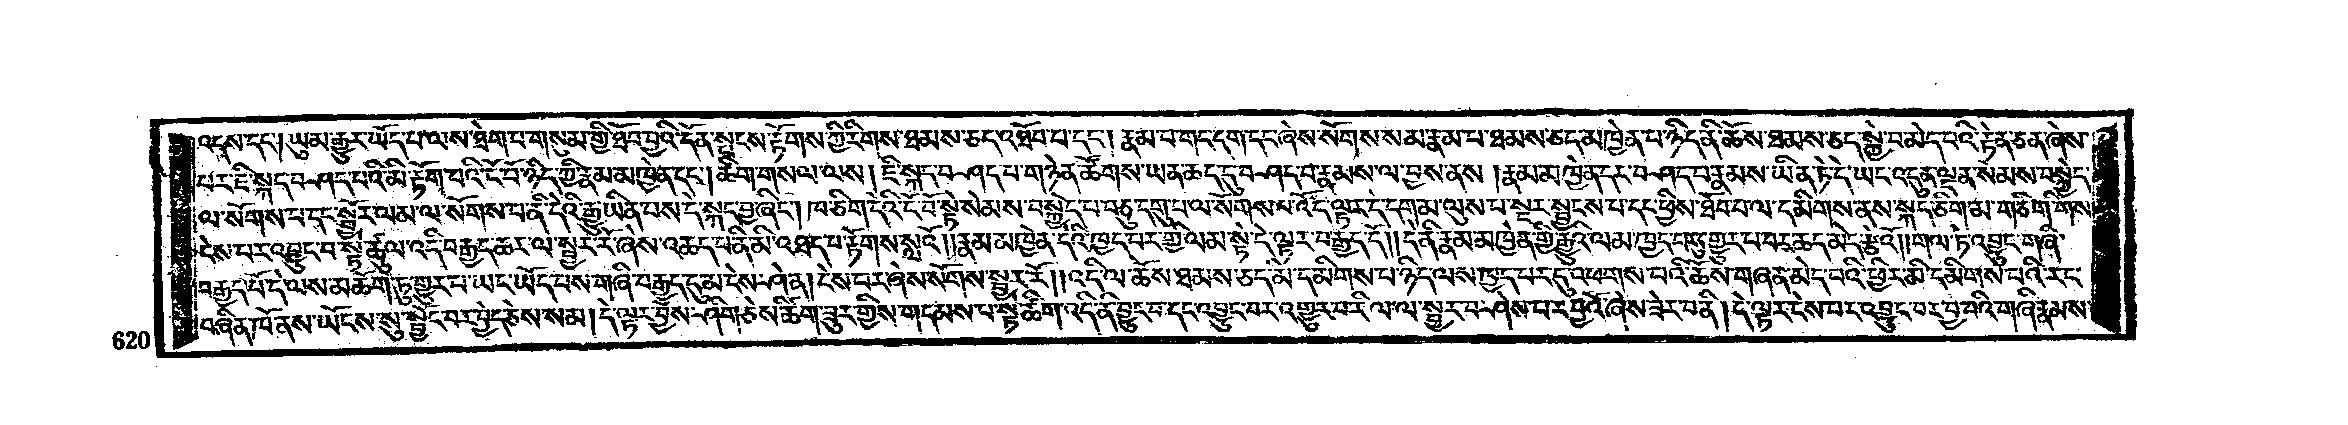འདས་དང་། ཡུམ་རྒྱུར་ཡོད་པ་ལས་ཐེག་པ་གསུམ་གྱི་ཐོབ་བྱའི་དོན་སྤངས་རྟོགས་ཀྱི་རིགས་ཐམས་ཅད་འཐོབ་པ་དང་། རྣམ་པ་གང་དག་དང་ཞེས་སོགས་སམ་རྣམ་པ་ཐམས་ཅད་མཁྱེན་པ་ཉིད་ནི་ཆོས་ཐམས་ཅད་སྐྱེ་བ་མེད་པའི་རྟེན་ཅན་ཞེས་
པར་ཇི་སྐད་བཤད་པའི་མི་རྟོག་པའི་ངོ་བོ་ཉིད་ཀྱི་རྣམ་མཁྱེན་དང་། ཚིག་གསལ་ལས། ཇི་སྐད་བཤད་པ་གཉེན་ཚོགས་ཡན་ཆད་དུ་བཤད་པ་རྣམས་ལ་བྱས་ནས། རྣམ་མཁྱེན་དེར་བཤད་པ་རྣམས་ཡིན་ཏེ་དེ་ཡང་འདུན་ལྡན་སེམས་བསྐྱེད་
ལ་སོགས་པ་དང་སྦྱོར་ལམ་ལ་སོགས་པ་ནི་དེའི་རྒྱུ་ཡིན་པས་དེ་སྐད་བྱ་ཞིང་། ཁ་ཅིག་དེའི་ངོ་བོ་སྟེ་སེམས་བསྐྱེད་པ་བཅུ་དགུ་པ་ལ་སོགས་པའོ་དེ་ལྟར་དེ་དག་མ་ལུས་པ་སྔར་སྦྱངས་པ་དང་ཕྱིས་ཐོབ་པ་ལ་དམིགས་ནས་སྐད་ཅིག་མ་གཅིག་གིས་
ངེས་པར་འབྱུང་བ་སྟེ་ཚུལ་འདི་བརྒྱད་ཆར་ལ་སྦྱར་རོ་ཞེས་འཆད་པ་ནི་མི་འཐད་པ་རྟོགས་སླའོ། །རྣམ་མཁྱེན་དེའི་ཁྱད་པར་གྱི་ལམ་སྟེ་དེ་ལྟར་བརྒྱད་དོ། །དེ་ནི་རྣམ་མཁྱེན་གྱི་རྒྱུའི་ལམ་ཁྱད་པར་དུ་གྱུར་པ་བར་ཆད་མེད་རྩེའོ། །གལ་ཏེ་འབྱུང་གཞི་
བརྒྱད་པོ་དེ་ལས་མཆོག་ཏུ་གྱུར་པ་ཡང་ཡོད་པས་གཞི་བརྒྱད་དུ་མ་ངེས་ཤེ་ན། ངེས་པར་ཞེས་སོགས་སྦྱར་རོ། །འདི་ལ་ཆོས་ཐམས་ཅད་མི་དམིགས་པ་ཉིད་ལས་ཁྱད་པར་དུ་འཕགས་པའི་ཆོས་གཞན་མེད་པའི་ཕྱིར་མི་དམིགས་པའི་རང་
བཞིན་ཁོ་ནས་ཡོངས་སུ་སྦྱོང་བར་བྱེད་ཅེས་སམ། དེ་ལྟར་བྱས་ཤིག་ཅེས་ཚིག་ཟུར་གྱིས་གདམས་པ་སྟེ་ཚིག་འདི་ནི་བྱུང་བ་དང་འབྱུང་བར་འགྱུར་བ་རིལ་ལ་སྦྱར་བ་ཤེས་པར་བྱའོ་ཞེས་ཟེར་བ་ནི། དེ་ལྟར་ངེས་པར་འབྱུང་བར་བྱ་བའི་གཞི་རྣམས་